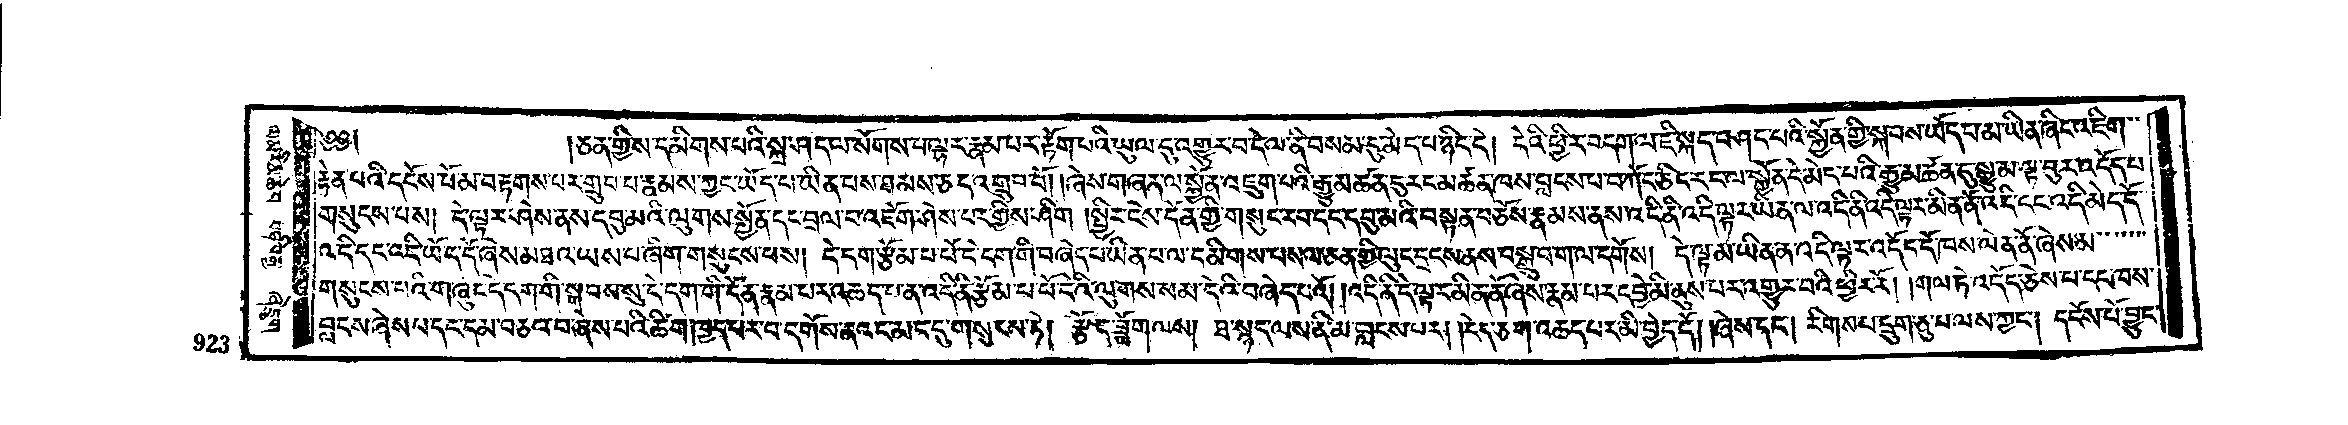༄༅། །ཅན་གྱིས་དམིགས་པའི་སྐྲ་ཤད་ལ་སོགས་པ་ལྟར་རྣམ་པར་རྟོག་པའི་ཡུལ་དུ་འགྱུར་བ་དེ་ལ་ནི་བསམ་དུ་མེད་པ་ཉིད་དེ། དེའི་ཕྱིར་བདག་ལ་ཇི་སྐད་བཤད་པའི་སྐྱོན་གྱི་སྐབས་ཡོད་པ་མ་ཡིན་ཞིང་འཇིག་
རྟེན་པའི་དངོས་པོ་མ་བརྟགས་པར་གྲུབ་པ་རྣམས་ཀྱང་ཡོད་པ་ཡིན་པས་ཐམས་ཅད་འགྲུབ་བོ། །ཞེས་གཞན་ལ་སྐྱོན་འཇུག་པའི་རྒྱུ་མཚན་དུ་རང་མཚན་ཁས་བླངས་པ་བཀོད་ཅིང་རང་ལ་སྐྱོན་དེ་མེད་པའི་རྒྱུ་མཚན་དུ་སྒྱུ་མ་ལྟ་བུར་འདོད་པ་
གསུངས་པས། དེ་ལྟར་ཤེས་ནས་དབུ་མའི་ལུགས་སྐྱོན་དང་བྲལ་བ་འཇོག་ཤེས་པར་གྱིས་ཤིག །སྤྱིར་ངེས་དོན་གྱི་གསུང་རབ་དང་དབུ་མའི་བསྟན་བཅོས་རྣམས་ནས་འདི་ནི་འདི་ལྟར་ཡིན་ལ་འདི་ནི་འདི་ལྟར་མིན་ནོ་འདི་དང་འདི་མེད་དོ་
འདི་དང་འདི་ཡོད་དོ་ཞེས་མཐའ་ཡས་པ་ཞིག་གསུངས་པས། དེ་དག་རྩོམ་པ་པོ་དེ་དག་གི་བཞེད་པ་ཡིན་པ་ལ་དམིགས་བསལ་ཅན་གྱི་ལུང་དྲངས་ནས་བསྒྲུབ་ག་ལ་དགོས། དེ་ལྟ་མ་ཡིན་ན་འདི་ལྟར་འདོད་དོ་ཁས་ལེན་ནོ་ཞེས་མ་
གསུངས་པའི་གཞུང་དེ་དག་གི་སྐབས་སུ་དེ་དག་གི་དོན་རྣམ་པར་འཆད་པ་ན་འདི་ནི་རྩོམ་པ་པོ་དེའི་ལུགས་སམ་དེའི་བཞེད་པའོ། །འདི་ནི་དེ་ལྟར་མིན་ནོ་ཞེས་རྣམ་པར་དབྱེ་མི་ནུས་པར་འགྱུར་བའི་ཕྱིར་རོ། །གལ་ཏེ་འདོད་ཅེས་པ་དང་ཁས་
བླངས་ཞེས་པ་དང་དམ་བཅའ་བ་ཞེས་པའི་ཚིག་ཁྱད་པར་བ་དགོས་ནའང་མང་དུ་གསུངས་ཏེ། རྩོད་ཟློག་ལས། ཐ་སྙད་ཁས་ནི་མ་བླངས་པར། །ངེད་ཅག་འཆད་པར་མི་བྱེད་དོ། །ཞེས་དང་། རིགས་པ་དྲུག་ཅུ་པ་ལས་ཀྱང་། དངོས་པོ་བྱུང་